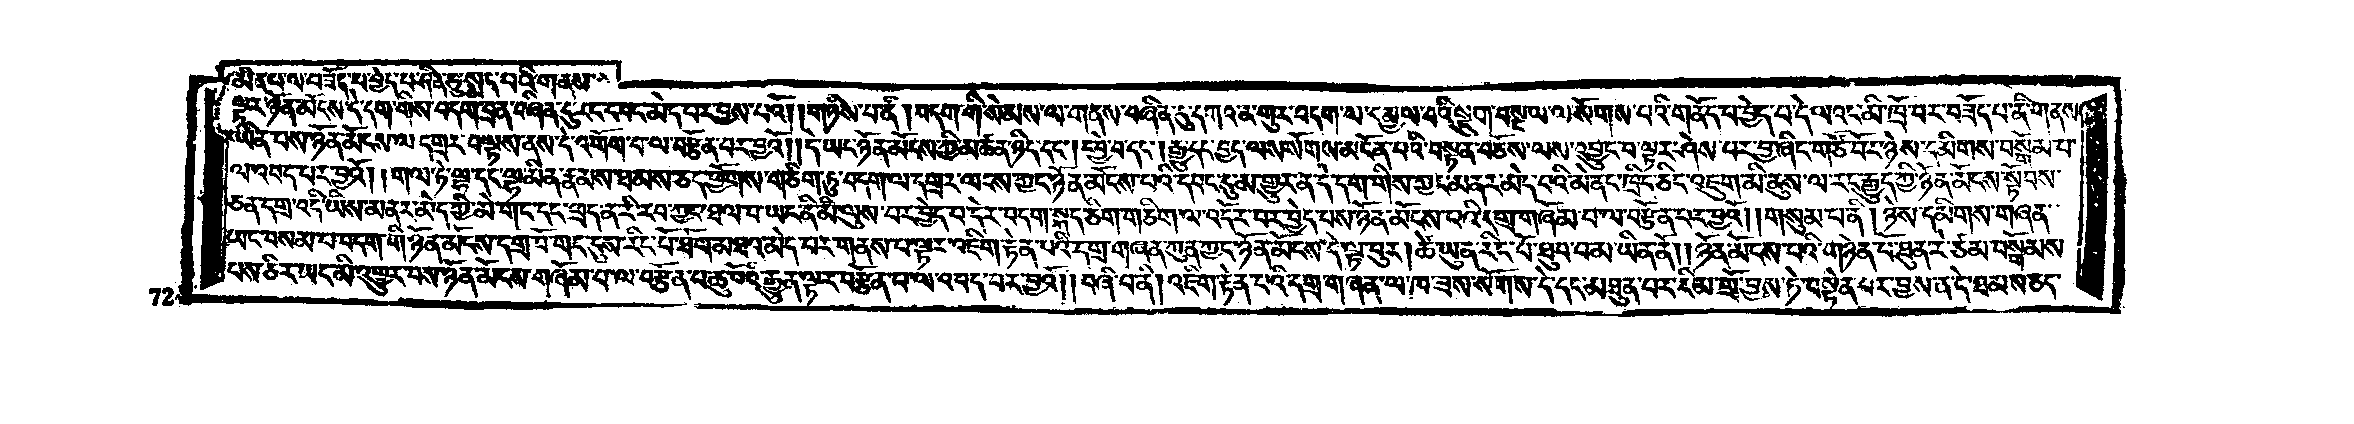ལྟར་ཉོན་མོངས་དེ་དག་གིས་བདག་བྲན་བཞིན་དུ་རང་དབང་མེད་པར་བྱས་པའོ། །གཉིས་པ་ནི། བདག་གི་སེམས་ལ་གནས་བཞིན་དུ་དགའ་མགུར་བདག་ལ་དམྱལ་བའི་སྡུག་བསྔལ་ལ་སོགས་པའི་གནོད་པ་བྱེད་པ་དེ་ལའང་མི་ཁྲོ་བར་བཟོད་པ་ནི་གནས་
མིན་པ་ལ་བཟོད་པ་བྱེད་པ་ཤིན་ཏུ་སྨད་པའི་གནས་ཡིན་པས་ཉོན་མོངས་ལ་དགྲར་བལྟས་ནས་དེ་འགོག་པ་ལ་བརྩོན་པར་བྱའོ། །དེ་ཡང་ཉོན་མོངས་ཀྱི་མཚན་ཉིད་དང་། དབྱེ་བ་དང་། རྒྱུ་དང་བྱད་ལས་སོགས་མངོན་པའི་བསྟན་བཅོས་ལས་འབྱུང་བ་ལྟར་ཤེས་པར་བྱ་ཞིང་གཙོ་བོར་ཉེས་དམིགས་བསྒོམ་པ་
ལ་འབད་པར་བྱའོ། །གལ་ཏེ་ལྷ་དང་ལྷ་མིན་རྣམས་ཐམས་ཅད་ཕྱོགས་གཅིག་ཏུ་བདག་ལ་དགྲར་ལངས་ཀྱང་ཉོན་མོངས་པའི་དབང་དུ་མ་གྱུར་ན་དེ་དག་གིས་ཀྱང་མནར་མེད་པའི་མེ་ནང་ཁྲིད་ཅིང་འཇུག་མི་ནུས་ལ་རང་རྒྱུད་ཀྱི་ཉོན་མོངས་སྟོབས་
ཅན་དགྲ་འདི་ཡིས་མནར་མེད་ཀྱི་མེ་གང་དང་ཕྲད་ན་རི་རབ་ཀྱང་ཐལ་བ་ཡང་ནི་མི་ལུས་པར་བྱེད་པ་དེར་བདག་སྐད་ཅིག་གཅིག་ལ་འདོར་བར་བྱེད་པས་ཉོན་མོངས་པའི་དགྲ་གཞོམ་པ་ལ་བརྩོན་པར་བྱའོ། །གསུམ་པ་ནི། ཉེས་དམིགས་གཞན་
ཡང་བསམ་པ་བདག་གི་ཉོན་མོངས་དགྲ་བོ་གང་དུས་རིང་པོ་ཐོག་མཐའ་མེད་པར་གནས་པ་ལྟར་འཇིག་པའི་དགྲ་གཞན་ཀུན་ཀྱང་ཉོན་མོངས་དེ་ལྟ་བུར། ཚེ་ཡུན་རིང་པོ་ཐུབ་པ་མ་ཡིན་ནོ། །ཉོན་མོངས་པའི་གཉེན་པོ་ཐུན་རེ་ཙམ་བསྒོམས་
པས་ཅིར་ཡང་མི་འགྱུར་བས་ཉོན་མོངས་གཞོམ་པ་ལ་བརྩོན་པ་ཆུ་བོའི་རྒྱུན་ལྟར་བརྩོན་པ་ལ་འབད་པར་བྱའོ། །བཞི་པ་ནི། འཇིག་རྟེན་པའི་དགྲ་གཞན་ལ་ཁ་ཟས་སོགས་དེ་དང་མཐུན་པར་རིམ་གྲོ་བྱས་ཏེ་བསྟེན་པར་བྱས་ན་དེ་ཐམས་ཅད་